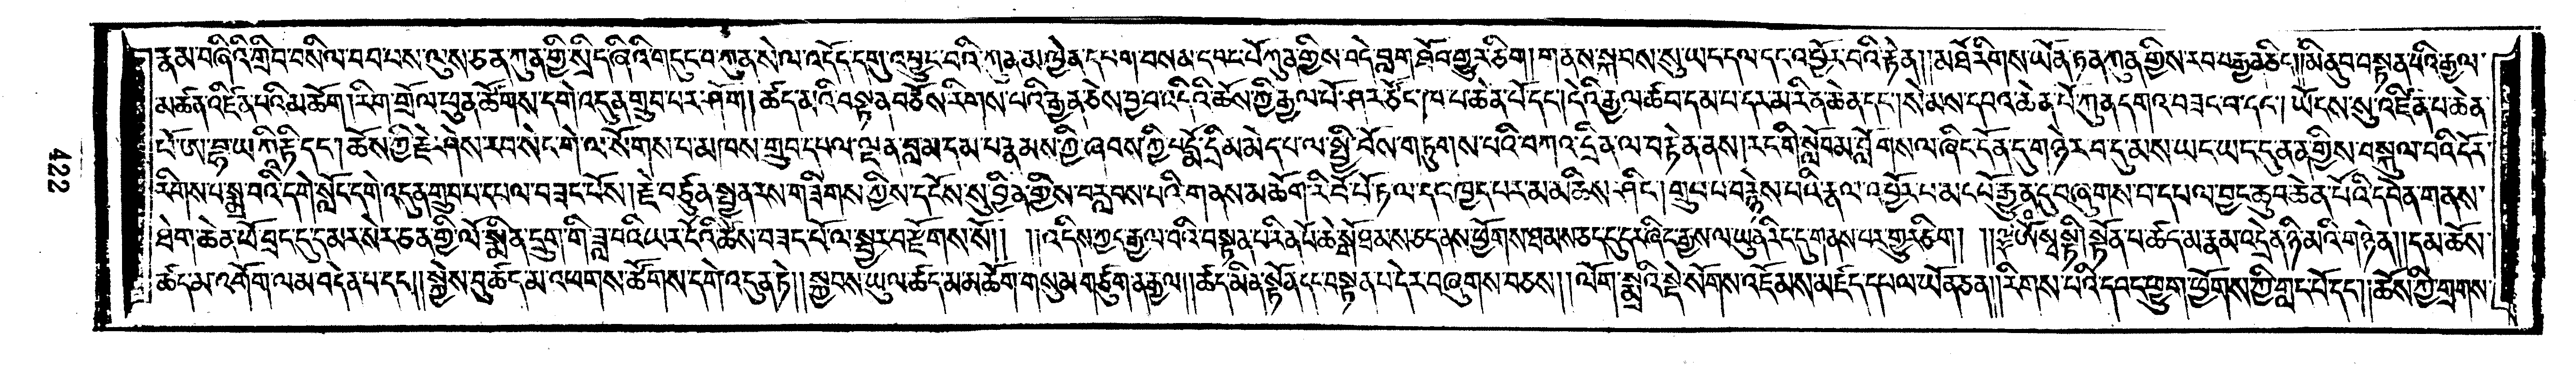རྣམ་བཞིའི་གྲིབ་བསིལ་བབ་པས་ལུས་ཅན་ཀུན་གྱི་སྲིད་ཞིའི་གདུངས་པ་ཀུན་སེལ་འདོད་དགུ་འབྱུང་བའི་ཀུན་མཁྱེན་དཔག་བསམ་དབང་པོ་ཀུན་གྱིས་བདེ་བླག་ཐོབ་གྱུར་ཅིག །གནས་སྐབས་སུ་ཡང་དལ་དང་འབྱོར་བའི་རྟེན། །མཐོ་རིགས་ཡོན་ཏན་ཀུན་གྱིས་རབ་བརྒྱན་ཅིང་། །མི་ནུབ་བསྟན་པའི་རྒྱལ་
མཚན་འཛིན་པའི་མཆོག །རིག་གྲོལ་ཕུན་ཚོགས་དགེ་འདུན་གྲུབ་པར་ཤོག །ཚད་མའི་བསྟན་བཅོས་རིགས་པའི་རྒྱན་ཅེས་བྱ་བ་འདི་ནི་ཆོས་ཀྱི་རྒྱལ་པོ་ཤར་ཙོང་ཁ་པ་ཆེན་པོ་དང་། དེའི་རྒྱལ་ཚབ་དམ་པ་དར་མ་རིན་ཆེན་དང་། སེམས་དཔའ་ཆེན་པོ་ཀུན་དགའ་བཟང་པོ་དང་། ཡོངས་སུ་འཛིན་པ་ཆེན་
པོ་ཨ་བྷ་ཡ་ཀཱི་རྟི་དང་། ཆོས་ཀྱི་རྗེ་ཤེས་རབ་སེང་གེ་ལ་སོགས་པ་མཁས་གྲུབ་དཔལ་ལྡན་བླ་མ་དམ་པ་རྣམས་ཀྱི་ཞབས་ཀྱི་པདམོ་དྲི་མ་མེད་པ་ལ་སྤྱི་བོས་གཏུགས་པའི་བཀའ་དྲིན་ལ་བརྟེན་ནས། རང་གི་སློབ་མ་བློ་གསལ་ཞིང་དོན་དུ་གཉེར་བ་དུ་མས་ཡང་ཡང་དུ་ནན་གྱིས་བསྐུལ་བའི་ངོར་
རིགས་པ་སྨྲ་བའི་དགེ་སློང་དགེ་འདུན་གྲུབ་པ་དཔལ་བཟང་པོས། རྗེ་བཙུན་སྤྱན་རས་གཟིགས་ཀྱིས་དངོས་སུ་བྱིན་གྱིས་བརླབས་པའི་གནས་མཆོག་རི་བོ་པོ་ཏ་ལ་དང་ཁྱད་པར་མ་མཆེས་ཤིང་། གྲུབ་པ་བརྙེས་པའི་རྣལ་འབྱོར་བ་མང་པོ་རྒྱུན་དུ་བཞུགས་པ་དཔལ་བྱང་ཆུབ་ཆེན་པོའི་དཔེན་གནས་
ཐེག་ཆེན་ཕོ་བྲང་དུ་དམར་སེར་ཅན་གྱི་ལོ་སྨིན་དྲུག་གི་ཟླ་བའི་ཡར་ངོའི་ཚེས་བཟང་པོ་ལ་སྦྱར་བ་རྫོགས་སོ།། །།འདིས་ཀྱང་རྒྱལ་བའི་བསྟན་པ་རིན་པོ་ཆེ་སྒོ་ཐམས་ཅད་ནས་ཕྱོགས་ཐམས་ཅད་དུ་དར་ཞིང་རྒྱས་ལ་ཡུན་རིང་དུ་གནས་པར་གྱུར་ཅིག ། ༈ ཨོཾ་སྭ་སྟི། སྟོན་པ་ཚད་མ་རྣམ་འདྲེན་ཉི་མའི་གཉེན། །དམ་ཆོས་
ཚད་མ་འགོག་ལམ་བདེན་པ་དང་། །སྐྱེས་བུ་ཚད་མ་འཕགས་ཚོགས་དགེ་འདུན་ཏེ། །སྐྱབས་ཡུལ་ཚད་མ་མཆོག་གསུམ་གཙུག་ན་རྒྱལ། །ཚད་མིན་སྟོན་དང་བསྟན་པ་དེར་བཞུགས་བཅས། །ལོག་སྨྲའི་སྡེ་སོགས་འཛོམས་མཛད་དཔལ་ཡོན་ཅན། །རིགས་པའི་དབང་ཕྱུག་ཕྱོགས་ཀྱི་གླང་པོ་དང་། །ཆོས་ཀྱི་གྲགས་